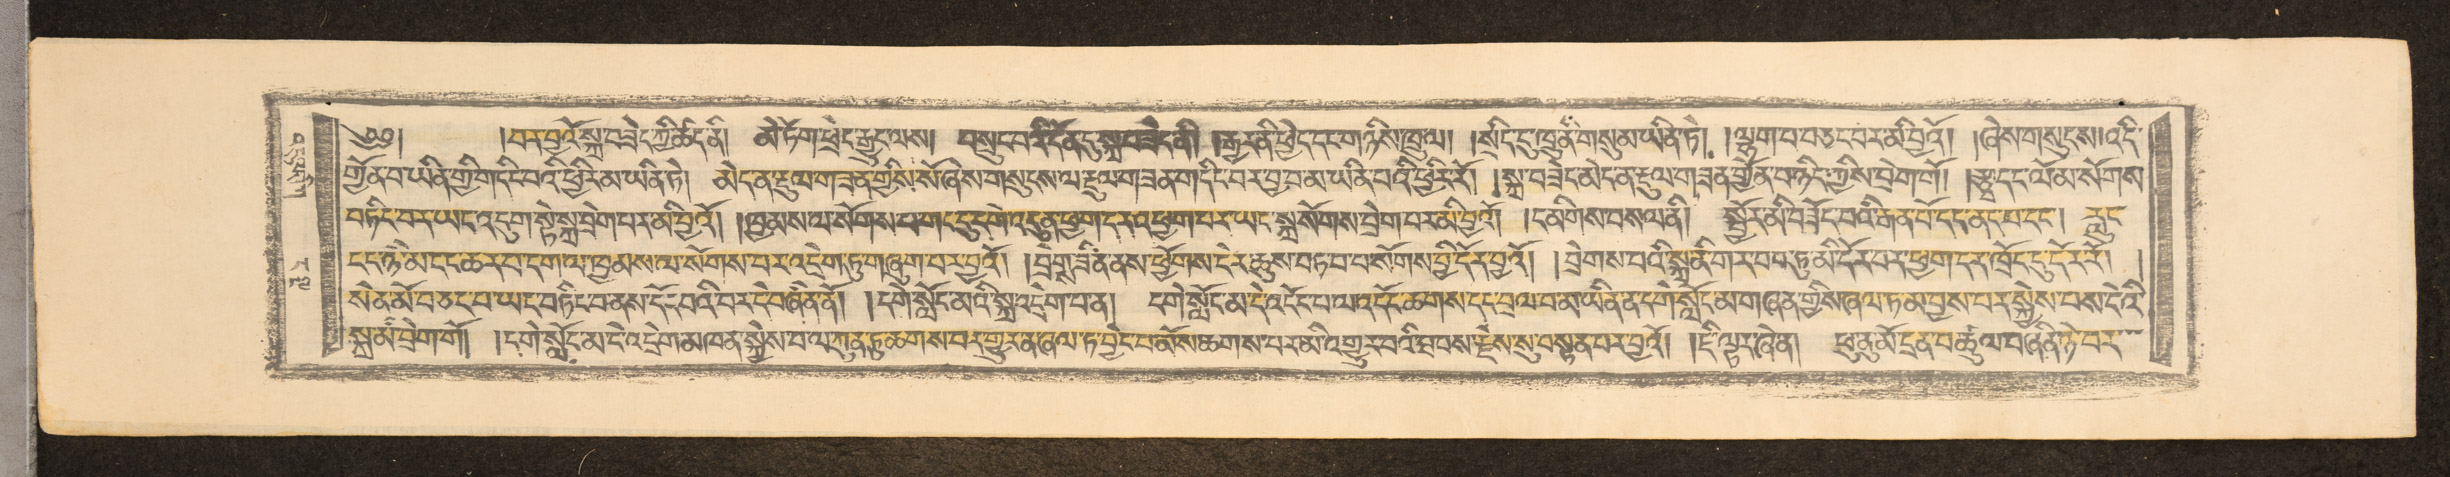༄༅། །བར་བྱའོ་སྐྲ་བཟེད་ཀྱི་ཚད་ནི། མེ་ཏོག་ཕྲེང་རྒྱུད་ལས། བསྲུང་བའི་དོན་དུ་སྐྲ་བཟེད་ནི། །རྒྱར་ནི་ཕྱེད་དང་གཉིས་ཁྲུལ། །སྲིད་དུ་ཁྲུ་ནི་གསུམ་ཡིན་ཏེ། །ལྷག་བ་བཅང་བར་མི་བྱའོ། །ཞེས་གསུངས། འདི་
གྱོན་པ་ཡིན་གྱི་གདིང་བའི་ཕྱིར་མ་ཡིན་ཏེ། མེད་ན་རྡུལ་གཟན་གྱིས་སོ་ཞེས་གསུངས་ལ་རྡུལ་གཟན་གདིང་བར་བྱ་བ་མ་ཡིན་པའི་ཕྱིར་རོ། །སྒྲ་བཟེད་མེད་ན་རྡུལ་གཟན་གྱོན་པ་ཉིད་ཀྱིས་བྲེག་གོ། །རྩྭ་དང་ལོ་མ་སོགས་
བཏིང་བར་ཡང་འདུག་སྟེ་སྐྲ་བྲེག་པར་མི་བྱའོ། །ཁྱམས་ལ་སོགས་པ་གང་དུ་དགེ་འདུན་ཕྱག་དར་འཕྱག་པར་ཡང་སྐྲ་སོགས་བྲེག་པར་མི་བྱའོ། །དམིགས་བསལ་ནི། སྦྱོར་མི་བཟོད་པའི་རྒན་པོ་དང་ནང་པ་དང་། རླུང་
དང་ཉི་མ་དང་ཆར་པ་དག་ལ་ཁྱམས་ལ་སོགས་པར་འདྲེག་ཏུ་གཞུག་པར་བྱའོ། །བྲེགས་ཟིན་ནས་ཕྱོགས་དེར་ཆུས་བཏབ་པ་སོགས་བྱི་དོར་བྱའོ། །བྲེགས་པའི་སྐྲ་ནི་གར་བབ་ཏུ་མི་དོར་བར་ཕྱག་དར་ཁྲོད་དུ་དོར་རོ། །
སེན་མོ་བཅད་པ་ཡང་བཏིང་བ་ནས་དོར་བའི་བར་དེ་བཞིན་ནོ། །དགེ་སློང་མའི་སྐྲ་འདྲེག་པ་ན། དགེ་སློང་མ་དེ་འདོང་བ་ལ་འདོད་ཆགས་དང་བྲལ་བམ་ཡིན་ན་དགེ་སློང་མ་གཞན་གྱིས་ཞལ་ཏ་མ་བྱས་པར་སྐྱེས་པས་དེའི་
སྐྲ་མི་བྲེག་གོ། །དགེ་སློང་མ་དེ་འདྲེག་མཁན་སྐྱེས་པ་ལ་ཀུན་ཏུ་ཆགས་པར་གྱུར་ན་ཞལ་ཏ་བྱེད་པ་མོས་ཆགས་པར་མི་འགྱུར་བའི་ཐབས་རྗེས་སུ་བསྟན་པར་བྱའོ། །ཇི་ལྟར་ཞེ་ན། ཕུ་ནུ་མོ་དྲན་པ་ཚུལ་བཞིན་ཉེ་བར་